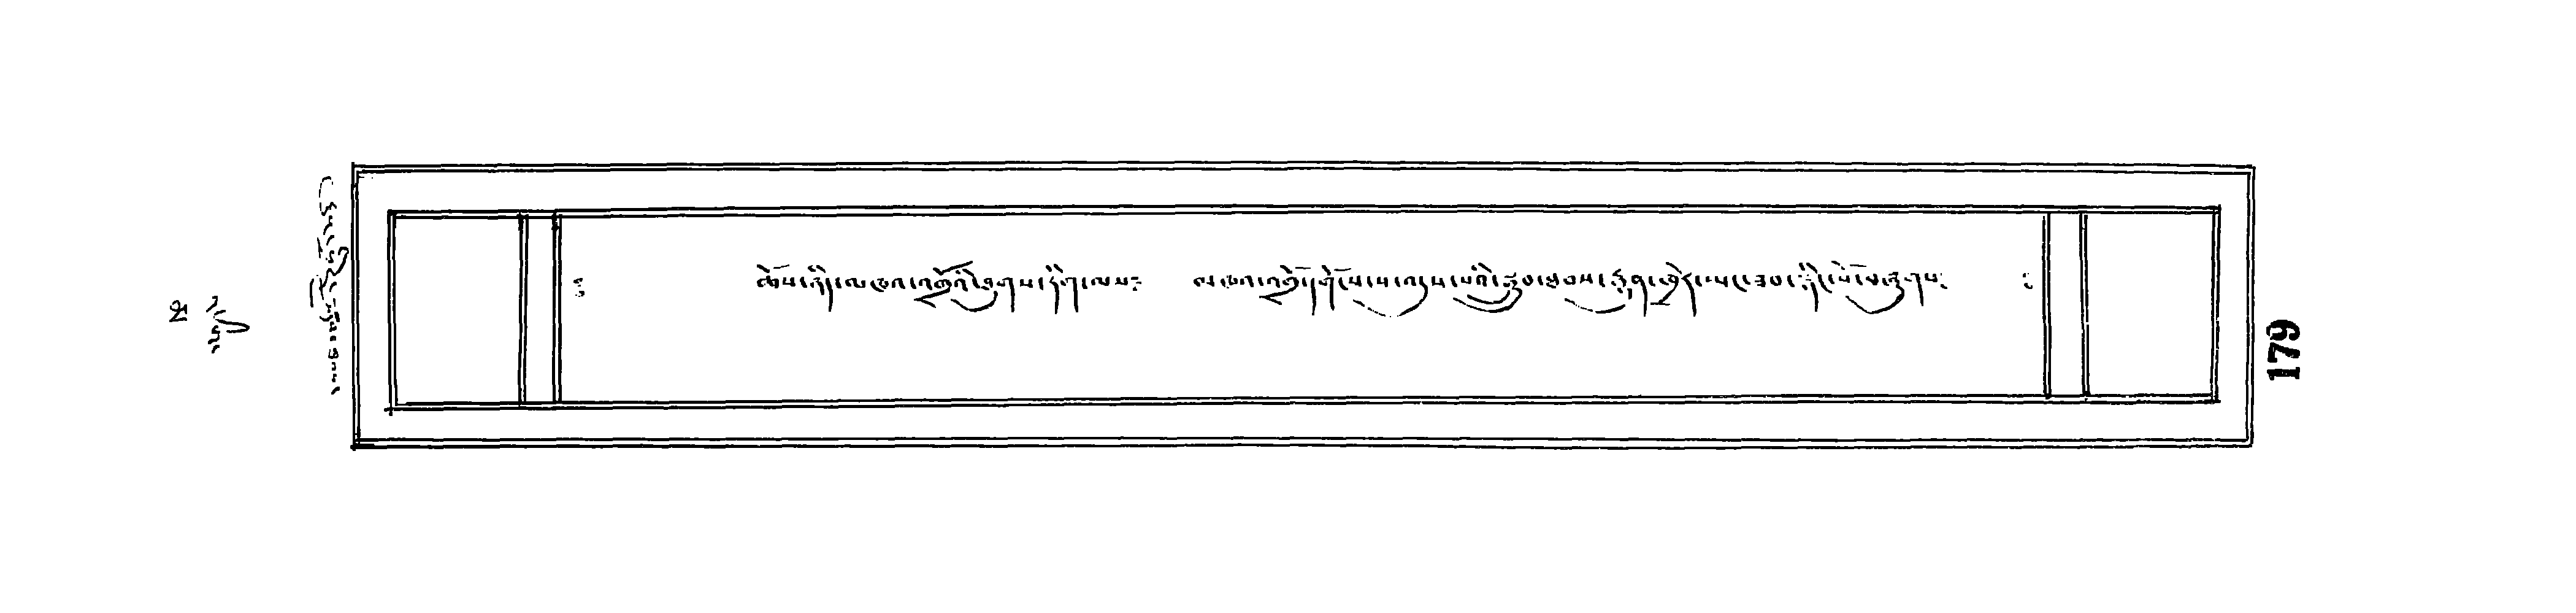ཆོས་ཉིད་མཁའ་འགྲོའི་ཐུགས་ཏིག་ལས༔ མཁའ་འགྲོ་དགོངས་པ་འདུས་པའི་སྒྲུབ་ཐབས་རྒྱུན་ཁྱེར་ཡང་ཟབ་སྙིང་པོ་བཞུགས༔